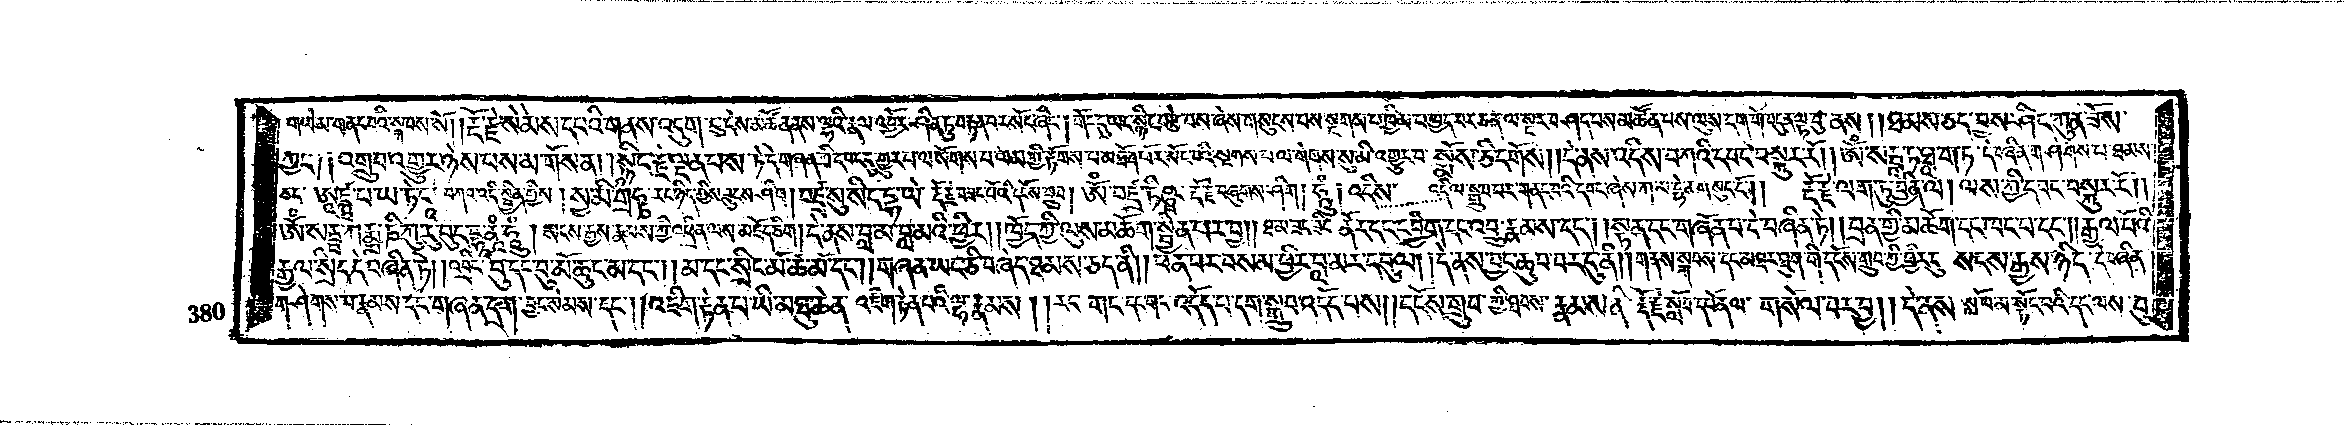གཡེ་མ་གནང་བའི་སྐབས་སོ། །རྡོ་རྗེ་སེམས་དཔའི་གནས་འདུག་པ་དེས་མཚན་ནས་ལྷའི་རྣལ་འབྱོར་ཤིན་ཏུ་བརྟན་པར་སོང་ཞིང་། གོང་དུ་ཡང་སྙིང་བརྩེ་བས་ཞེས་གསུངས་པས་སྔགས་པ་ཁྱིམ་པ་ཁྱད་པར་ཅན་ལ་སྔར་བཤད་པས་མཚན་པས་ལུས་དག་གི་བདུན་ལྟ་བུ་ནས། །ཐམས་ཅད་བྱས་ཤིང་ཀུན་ཟོས་
ཀྱང་། །འགྲུབ་འགྱུར་ཉེས་པས་མ་གོས་ན། །སྙིང་རྗེ་ལྡན་པས་ཏེ་དེ་གཞན་ཀྱི་དབང་དུ་གྱུར་པ་ལ་སོགས་པ་ལམ་གྱི་རྟོགས་པ་མཐོན་པོར་སོང་བའི་སྔགས་པ་ལ་གེགས་སུ་མི་འགྱུར་བ་སྨོས་ཅི་དགོས། །དེ་ནས་འདིས་བཀའི་དབང་བསྐུར་རོ། །ཨོཾ་སརྦཱ་ཏ་ཐཱ་ག་ཏ་དེ་བཞིན་གཤེགས་པ་ཐམས་
ཅད་ཨཱཛྙཱ་?་པ་ཡ་ཏེ་དཱ་བཀའ་འདི་སྦྱིན་གྱིས།  སྱ་མི་གྲྀཧྞ་རང་ཉིད་ཀྱིས་ཟུངས་ཤིག་།བཛྲ་སུ་སིད་དྷ་ཡེ་རྡོ་རྗེ་བཟང་པོའི་དངོས་གྲུབ།  ཨོཾ་བཛྲ་ཏིཥཊཿཨ་རྡོ་རྗེ་བཞུགས་ཤིག་།ཧཱུཾ། འདིས་འདི་ལ་སྒྲུབ་པར་གནང་བའི་དབང་ཞེས་ཀ་མ་དྷེ་ནུས་གསུང་ངོ།།  རྡོ་རྗེ་ལག་ཏུ་བྱིན་ལ། ལས་ཀྱི་དབང་བསྐུར་རོ། །
ཨོཾ་སརྦྦ་ཀརྨྨ་ཎི་ཀུ་རུ་བུད་དྷཱ་ནཱཾ་ཧཱུཾ། སངས་རྒྱས་རྣམས་ཀྱི་འཕྲིན་ལས་མཛོད་ཅིག་།དེ་ནས་བླ་མ་བླ་མའི་ཕྱིར། །ཁྱོད་ཀྱི་ལུས་མཆོག་སྦྱིན་པར་བྱ། ། ཐ་མ་ཟང་ཟིང་ནོར་དང་དབྱིག་དང་འབྲུ་རྣམས་དང་། །སྟན་དང་གཞོན་པ་དེ་བཞིན་ཏེ། །བྲན་གྱི་མཆོག་དང་ཁང་པ་དང་། །རྒྱལ་པོའི་
རྒྱལ་སྲིད་དེ་བཞིན་ཏེ། ། འབྲིང་བུ་དང་བུ་མོ་ཆུང་མ་དང་། །མ་དང་སྲིང་མོ་ཚ་མོ་དང་། །གཞན་ཡང་ཅི་བཞེད་ཐམས་ཅད་ནི། །ཕན་པར་བསམ་ཕྱིར་བླ་མར་དབུལ། །དེ་ནས་བྱང་ཆུབ་བར་དུ་ནི། ། གནས་སྐབས་དང་མཐར་ཐུག་གི་དངོས་གྲུབ་ཀྱི་ཕྱིར་དུ་སངས་རྒྱས་ཉིད་དེ་བཞིན་
གཤེགས་པ་རྣམས་དང་གཞན་དག་བྱང་སེམས་དང་། །འཇིག་རྟེན་པ་ཡི་མཐུ་ཆེན་འཇིག་རྟེན་པའི་ལྷ་རྣམས། ། རང་གང་དང་གང་འདོད་པ་དག་སྒྲུབ་འདོད་པས། །དངོས་གྲུབ་ཀྱི་ཐབས་རྣམས་ནི་རྡོ་རྗེ་སློབ་དཔོན་ལ་གསོལ་བར་བྱ། །དེ་ནས་སློབ་མ་སྟོང་པའི་དང་?་ལས་བུ་